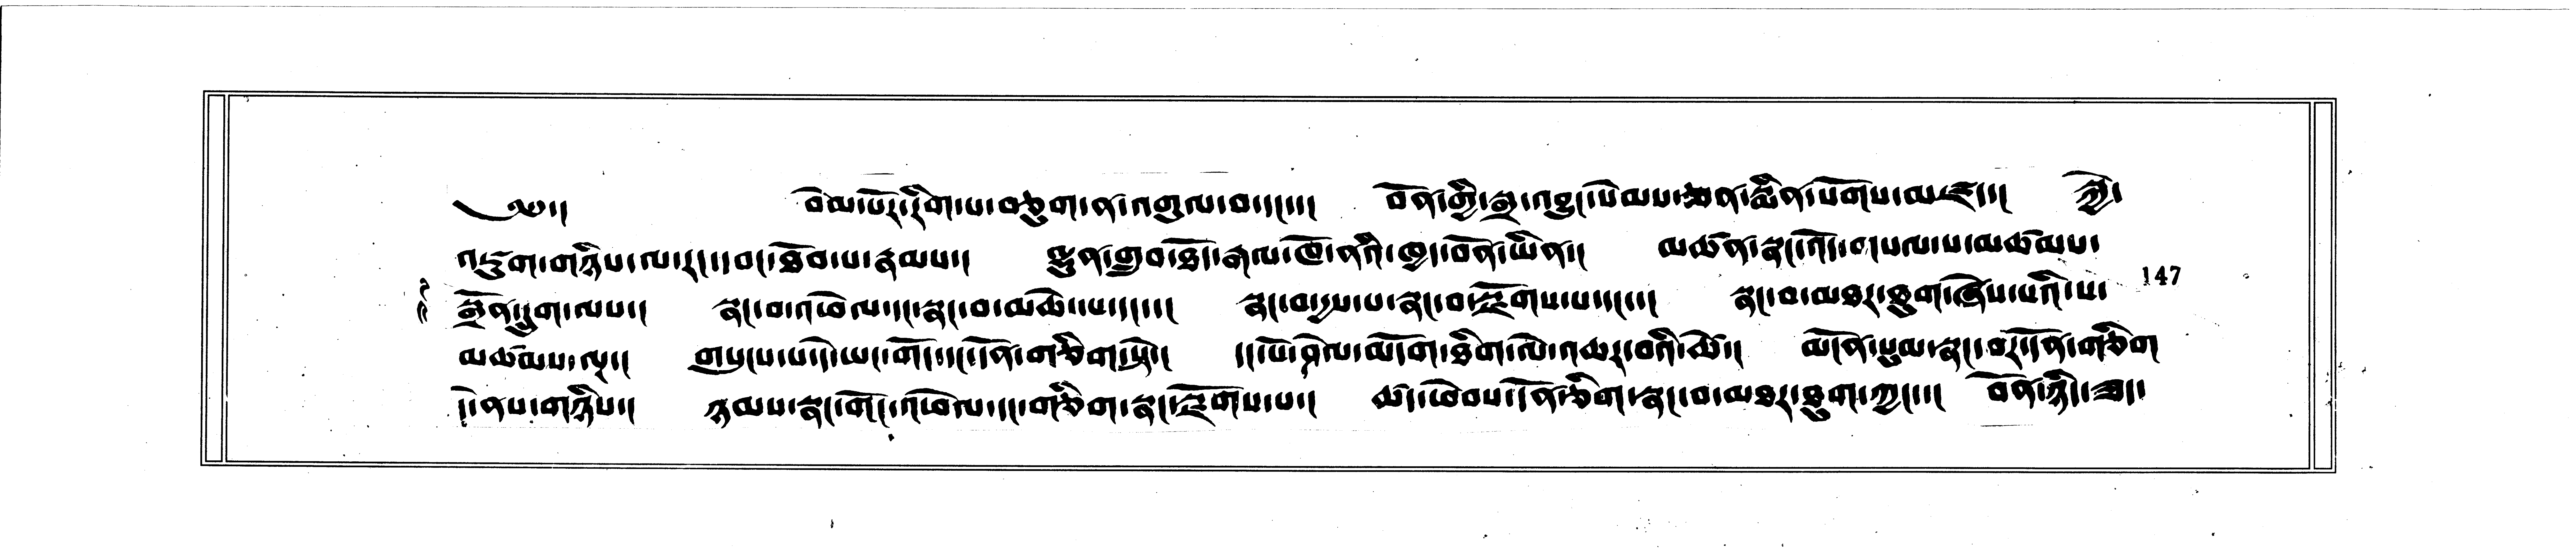བེམ་པོར་རིག་པ་བཅུག་ན་འགུལ་བ་དང་། །བོན་གྱི་སྒྲ་འབྱུང་སེམས་ཅན་སྨིན་སོགས་མཛད། །སྐྱེ་
འཇུག་གཉིས་ལ་རང་དབང་ཐོབ་པ་རྣམས། །ལྷུན་གྲུབ་ཐོད་རྒལ་ཁོ་ནའི་ཁྱད་བོན་ཡིན། །མཚན་སྣང་འོད་གསལ་ས་མཚམས་
སྒྲོན་དྲུག་ལས། །སྣང་བ་འཕེལ་དང་སྣང་བ་མཆེད་པ་དང་། །སྣང་བ་རྒྱས་པ་སྣང་བ་རྫོགས་པ་དང་། །སྣང་བ་མཐར་ཐུག་ཞེས་པའི་ས་
མཚམས་ལྔ། །གསུངས་པ་དེ་ཡང་གོང་དང་དོན་གཅིག་སྟེ། །དང་པོ་ཤེལ་མདོག་ཐིག་ལེ་འཆར་བའི་ཚེ། །མངོན་སུམ་སྣང་བར་དོན་གཅིག་
དེ་ནས་གཉིས། །ཉམས་སྣང་གོང་འཕེལ་དང་གཅིག་སྣང་རྫོགས་པ། །ཚད་ཕེབས་དོན་གཅིག་སྣང་བ་མཐར་ཐུག་ཀྱང་། །བོན་ཉིད་ཟད་